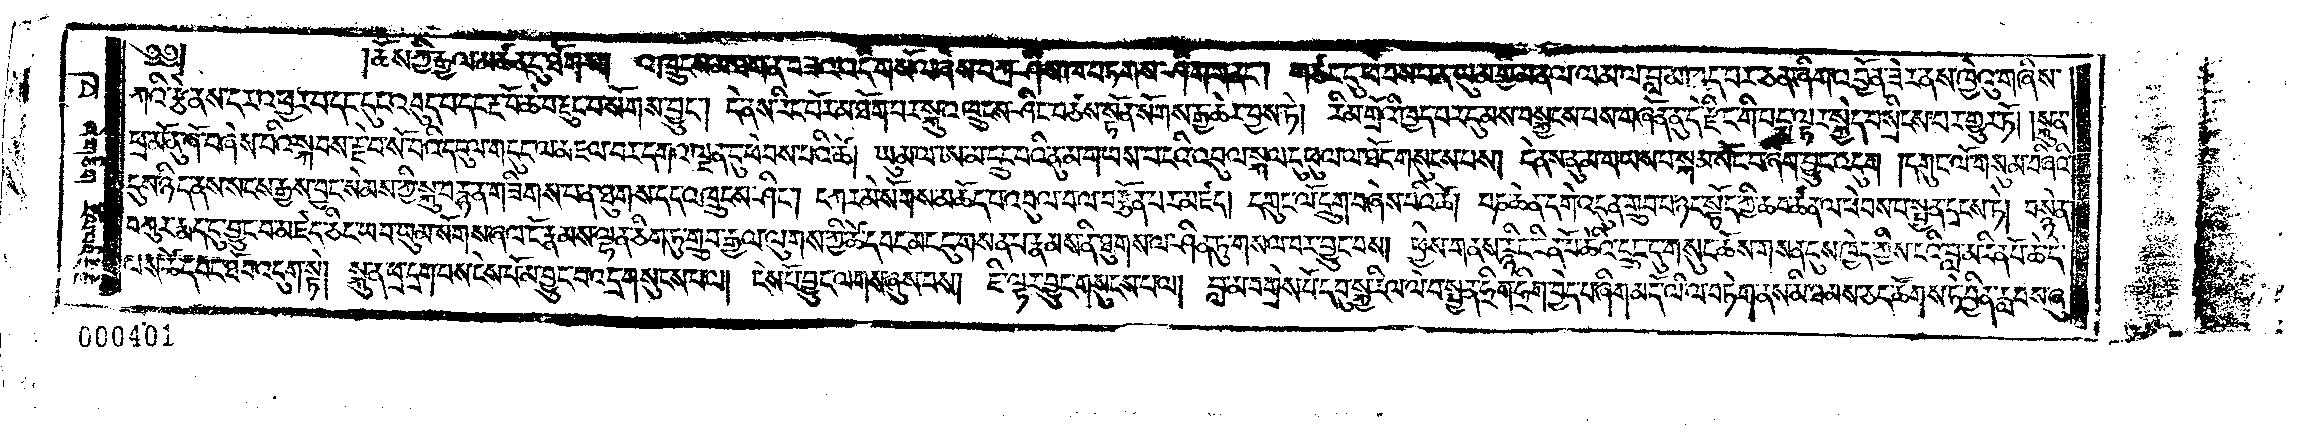༄༅། །ཆོས་ཀྱི་རྒྱལ་མཚན་དུ་ཐོགས། འཁྲུངས་མ་ཐག་ན་བཟའ་འདི་གསོལ་ཞེས་བཀྲ་ཤིས་ཁ་བཏགས་ཤིག་གནང་། གཙང་དུ་ཕེབས་པ་ན་ཡུམ་གྱི་མནལ་ལམ་ལ་བླ་མ་ཁྱད་པར་ཅན་ཞིག་འབྱོན་ཟེར་ནས་ཁྱེའུ་གཞིས་
ཀའི་རྩེ་ནས་དར་འཕྱར་བ་དང་དུང་འབུད་པ་དང་རྔ་བོ་ཆེ་བརྡུང་བ་སོགས་བྱུང་། དེ་ནས་རིང་པོར་མ་ཐོག་པར་སྐུ་འཁྲུངས་ཤིང་བཙས་སྟོན་སོགས་རྒྱ་ཆེར་བྱས་ཏེ། རིམ་གྲོའི་ཁྱད་པར་དུ་མས་བསྐྱངས་པས་གཞོན་ནུ་དེ་རྫིང་གི་པདམ་ལྟར་སྐྱེད་བསྲིངས་པར་གྱུར་ཏོ། །སྐུན་
ཕྲ་མོ་ནུ་ཞོ་བཞེས་པའི་སྐབས་རྗེ་བ་སོ་བའི་དངུལ་གདུང་ལ་མཇལ་བར་དགའ་ལྡན་དུ་ཕེབས་པའི་ཚེ། ཡུམ་ལ་ཨ་མ་དྲུང་པའི་ནུ་མ་གཡས་པ་ངའི་འབུལ་སྐལ་དུ་ཕུལ་ལ་ཐོང་གསུངས་པས། དེ་ནས་ནུ་མ་གཡས་པ་སྐམ་སོང་བ་ཞིག་བྱུང་འདུག །དགུང་ལོ་གསུམ་བཞིའི་
དུས་ཉིད་ནས་སངས་རྒྱས་བྱང་སེམས་ཀྱི་སྐུ་བརྙན་གཟིགས་པ་ན་ཐུགས་དད་འཁྲུངས་ཤིང་། དཀར་མེ་སོགས་མཆོད་པ་འབུལ་བ་ལ་བརྩོན་པར་མཛད། དགུང་ལོ་དྲུག་བཞེས་པའི་ཚེ། པཎ་ཆེན་དགེ་འདུན་གྲུབ་པ་ཉང་སྟོད་ཀྱི་ཆབ་ཚན་ལ་ཕེབས་པ་སྤྱན་དྲངས་ཏེ། བསྙེན་
བཀུར་རྨད་དུ་བྱུང་བ་མཛད་ཅིང་ཡབ་ཡུམ་སོགས་ཞལ་ངོ་རྣམས་ལྷན་ཅིག་ཏུ་གྲུབ་རྒྱལ་ལུགས་ཀྱི་ཚེ་དབང་མང་དུ་གསན་པ་རྣམས་ནི་ཐུགས་ལ་ཤིན་ཏུ་གསལ་བར་བྱུང་བས། ཕྱིས་གནས་རྙིང་རིན་པོ་ཆེའི་དྲུང་དུ་གསུང་ཆོས་གསན་དུས་ཁྱེད་ཀྱིས་ངའི་བླ་མ་རིན་པོ་ཆེ་དེ་
ལས་ཚེ་དབང་ཐོབ་འདུག་སྟེ། སྐུ་ན་ཕྲ་དྲག་པས་ངེས་པོ་མ་བྱུང་བ་འདྲ་གསུངས་པ་ལ། ངེས་པོ་བྱུང་ལགས་ཞུས་པས། ཇི་ལྟར་བྱུང་གསུངས་པ་ལ། བླ་མ་བགྲེས་པོ་དབུ་སྐྱ་རིལ་ལེ་བ་སྤྱན་ཧྲིག་ཧྲིག་བྱེད་པ་ཞིག་མདོ་ལི་ལ་བཏེག་ནས་མི་ཐམས་ཅད་ཚོགས་ཏེ་བྱིན་རླབས་ཞུ་